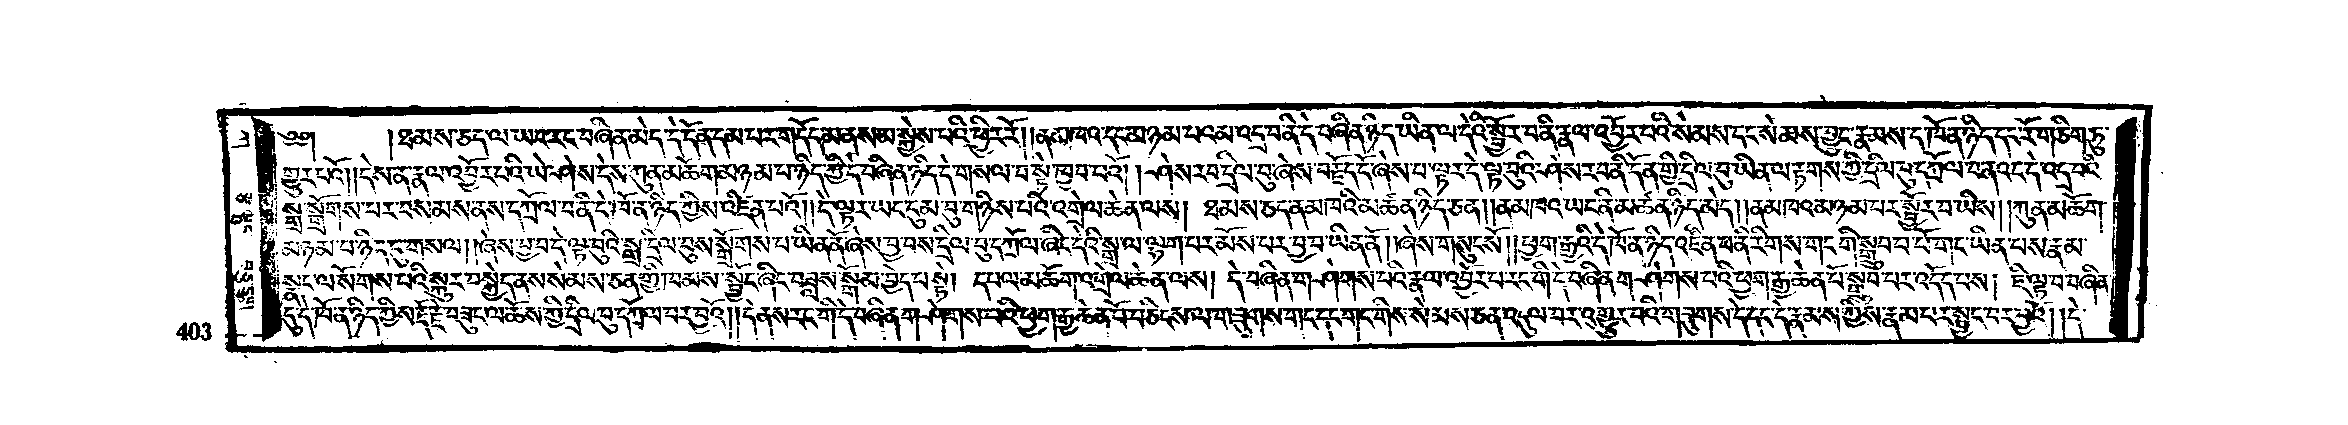༄༅། །ཐམས་ཅད་ལ་ཡང་རང་བཞིན་མེད་དེ་དོན་དམ་པར་གདོད་མནས་མ་སྐྱེས་པའི་ཕྱིར་རོ། །ནམ་མཁའ་དང་མཉམ་པའམ་འདྲ་བ་ནི་དེ་བཞིན་ཉིད་ཡིན་ལ་དེའི་སྦྱོར་བ་ནི་རྣལ་འབྱོར་བའི་སེམས་དང་སེམས་བྱུང་རྣམས་ད་ཁོ་ན་ཉིད་དང་རོ་གཅིག་ཏུ་
གྱུར་པའོ། །དེས་ན་རྣལ་འབྱོར་པའི་ཡེ་ཤེས་དེས་ཀུན་མཆོག་མཉམ་པ་ཉིད་ཀྱི་དེ་བཞིན་ཉིད་དེ་གསལ་བ་སྟེ་ཁྱབ་པའོ། །ཤེས་རབ་དྲིལ་བུ་ཞེས་བརྗོད་དོ་ཞེས་པ་ལྟར་དེ་ལྟ་བུའི་ཤེས་རབ་ནི་དོན་གྱི་དྲིལ་བུ་ཡིན་ལ་རྟགས་ཀྱི་དྲིལ་བུ་དཀྲོལ་བ་ནའང་དེ་འདྲ་བའི་
སྒྲ་སྒྲོགས་པར་བསམས་ནས་དཀྲོལ་བ་ནི་དེ་ཁོ་ན་ཉིད་ཀྱིས་འཛིན་པའོ། །དེ་ལྟར་ཡང་དུམ་བུ་གཉིས་པའི་འགྲེལ་ཆེན་ལས། ཐམས་ཅད་ནམ་མཁའི་མཚན་ཉིད་ཅན། །ནམ་མཁའ་ཡང་ནི་མཚན་ཉིད་མེད། །ནམ་མཁའ་མཉམ་པར་སྦྱོར་བ་ཡིས། །ཀུན་མཆོག་
མཉམ་པ་ཉིད་དུ་གསལ། །ཞེས་བྱ་བ་དེ་ལྟ་བུའི་སྒྲ་དྲིལ་བུས་སྒྲོགས་པ་ཡིན་ནོ་ཞེས་བྱ་བས་དྲིལ་བུ་དཀྲོལ་ཞིང་དེའི་སྒྲ་ལ་ལྷག་པར་མོས་པར་བྱ་བ་ཡིན་ནོ། །ཞེས་གསུངས་སོ། །ཕྱག་རྒྱའི་དེ་ཁོ་ན་ཉིད་འཛིན་པ་ནི་རིགས་གང་གི་སྒྲུབ་པ་པོ་གང་ཡིན་པས་རྣམ་
སྣང་ལ་སོགས་པའི་སྐུར་བསྐྱེད་ནས་སེམས་ཅན་གྱི་ཁམས་སྦྱོང་ཞིང་བཟླས་སྒོམ་བྱེད་པ་སྟེ། དཔལ་མཆོག་འགྲེལ་ཆེན་ལས། དེ་བཞིན་གཤེགས་པའི་རྣལ་འབྱོར་པ་རང་གི་དེ་བཞིན་གཤེགས་པའི་ཕྱག་རྒྱ་ཆེན་པོ་སྒྲུབ་པར་འདོད་པས། ཇི་ལྟ་བ་བཞིན་
དུ་དེ་ཁོ་ན་ཉིད་ཀྱིས་རྡོ་རྗེ་བཟུང་ལ་ཆོས་ཀྱི་དྲིལ་བུ་དཀྲོལ་བར་བྱའོ། །དེ་ནས་རང་གི་དེ་བཞིན་གཤེགས་པའི་ཕྱག་རྒྱ་ཆེན་པོ་བཅིངས་ལ་གཟུགས་གང་དང་གང་གིས་སེམས་ཅན་འདུལ་བར་འགྱུར་བའི་གཟུགས་དེ་དང་དེ་རྣམས་ཀྱིས་རྣམ་པར་སྦྱང་བར་བྱའོ། །དེ་